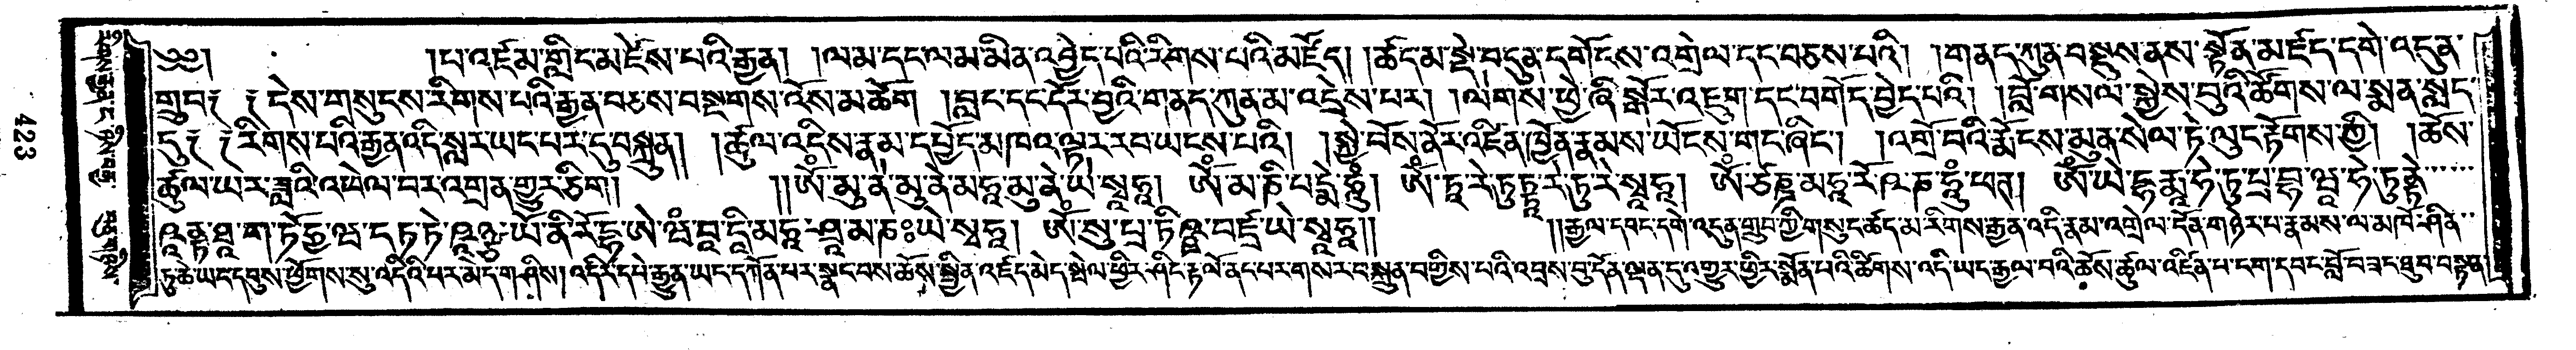༄༅། །་པ་འཇམ་གླིང་མཛེས་པའི་རྒྱན། །ལམ་དང་ལམ་མིན་འབྱེད་པའི་རིགས་པའི་མཛོད། །ཚད་མ་སྡེ་བདུན་དགོངས་འགྲེལ་དང་བཅས་པའི། །གནད་ཀུན་བསྡུས་ནས་སྟེན་མཛད་དགེ་འདུན་གྲུབ། །དེས་གསུངས་རིགས་པའི་རྒྱན་བཅས་བསྔགས་
འོས་མཆོག །བླང་དང་དོར་བྱའི་གནད་ཀུན་མ་འདྲེས་པར། །ལེགས་ཕྱེ་ཞི་སྒོར་འཇུག་དང་བགྲོད་བྱེད་པའི། །བློ་གསལ་སྐྱེས་བུའི་ཚོགས་ལ་སྨན་སླད་དུ། །རིགས་པའི་རྒྱན་འདི་སླར་ཡང་པར་དུ་བསྐྲུན། །ཚུལ་འདིས་རྣམ་དཔྱོད་མཁའ་ལྟར་རབ་ཡངས་
པའི། །སྐྱེ་བོས་ནོར་འཛིན་ཁྱོན་རྣམས་ཡོངས་གང་ཞིང་། །འགྲོ་བའི་རྨོངས་མུན་སེལ་ཏེ་ལུང་རྟོགས་ཀྱི། །ཆོས་ཚུལ་ཡར་ཟླའི་འཕེལ་བར་འགྲན་གྱུར་ཅིག ། །།རྒྱལ་དབང་དགེ་འདུན་གྲུབ་ཀྱི་གསུང་ཚད་མ་རིགས་རྒྱན་འདི་རྣམ་འགྲེལ་དོན་གཉེར་
པ་རྣམས་ལ་མཁེ་ཤིན་ཏུ་ཆེ་ཡང་དབུས་ཕྱོགས་སུ་འདིའི་པར་མེད་གཤིས། འདིར་དཔེ་རྒྱུན་ཡང་དཀོན་པར་སྣང་བས་ཆོས་སྦྱིན་འཛད་མེད་སྦེལ་ཕྱིར་ཤིང་རྟ་ལོ་ནང་པར་གསར་བསྐྲུན་བགྱིས་པའི་འབྲས་བུ་དོན་ལྡན་དུ་འགྱུར་ཕྱིར་སྨོན་པའི་ཚིགས་འདི་ཡང་རྒྱལ་བའི་ཆོས་
རྒྱལ་འཛིན་པ་ངག་དབང་བློ་བཟང་ཐུབ་བསྟན་རྒྱ་མཚོ་འཇིགས་བྲལ་དབང་ཕྱུག་ཕྱོགས་ལས་རྣམ་པར་རྒྱལ་བའི་སྡེས་སྦྱར་པའོ།། །།སརྦ་མངྒ་ལཾ།། །།